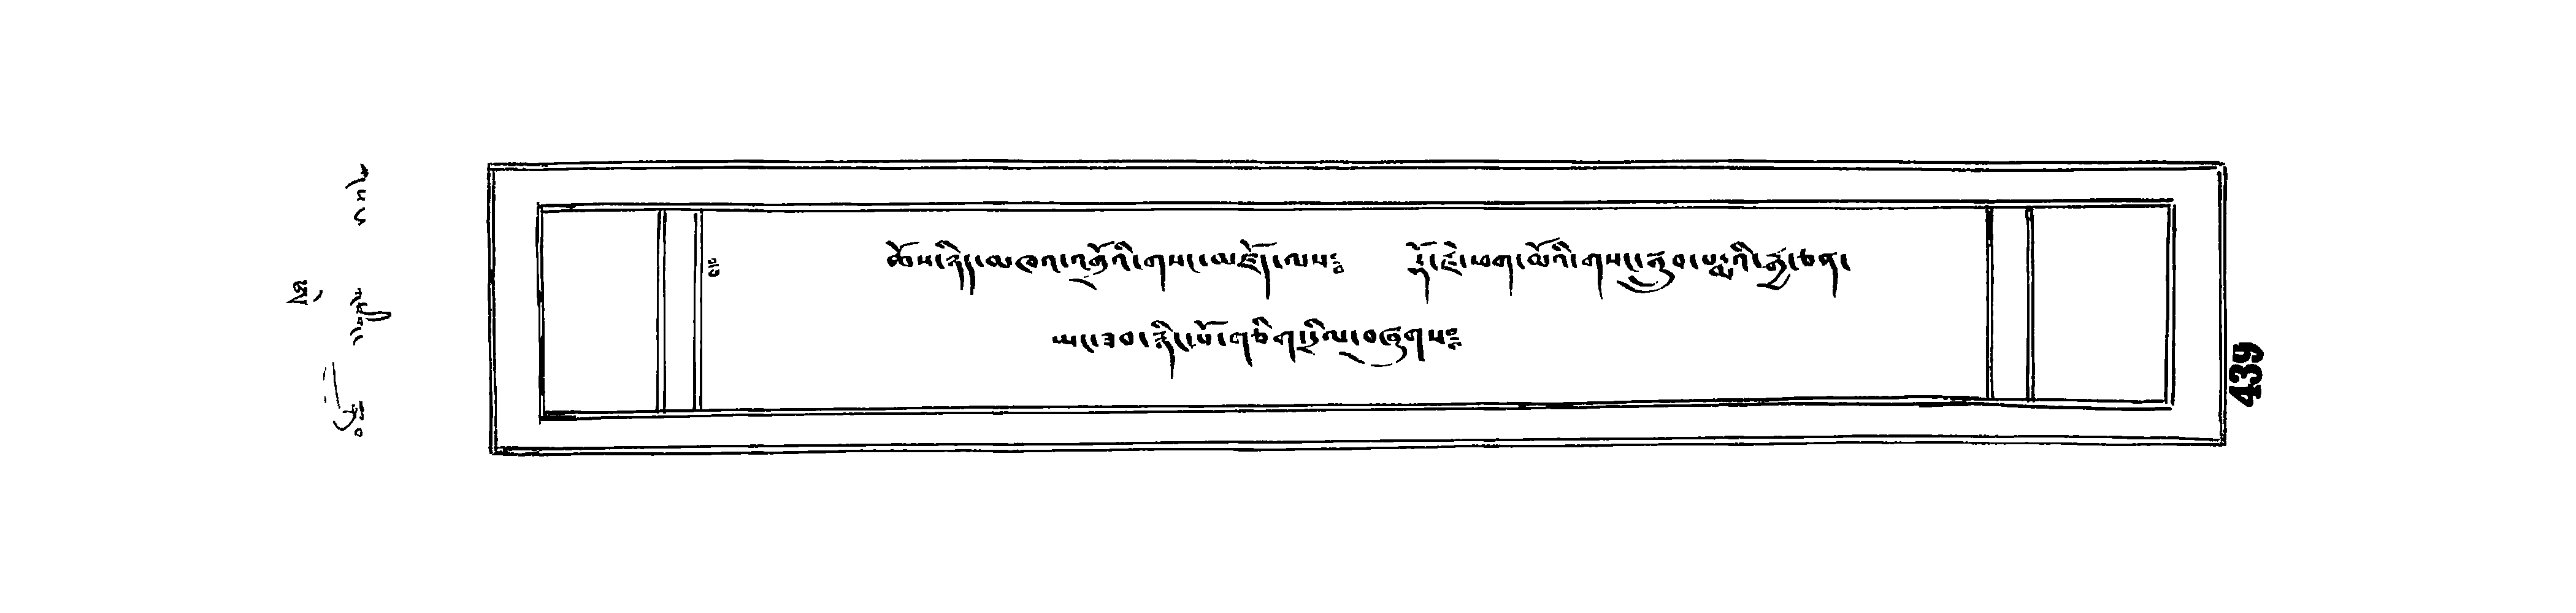ཆོས་ཉིད་མཁའ་འགྲོའི་གསང་མཛོད་ལས༔ རྡོ་རྗེ་ཕག་མོའི་གསང་སྒྲུབ་པདྨའི་རྒྱ་ཅན་
ཡང་ཟབ་སྙིང་པོ་གཅིག་དྲིལ་བཞུགས༔